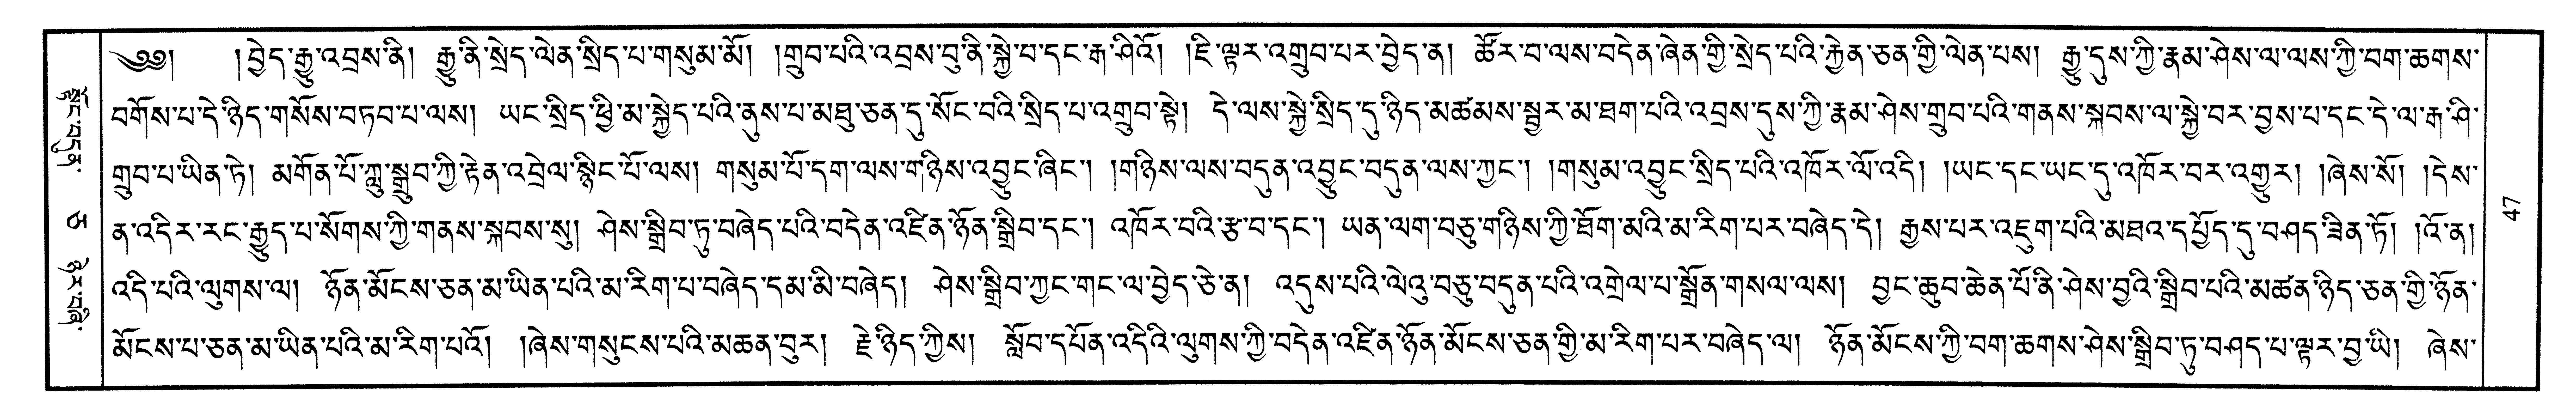༄༅། །བྱེད་རྒྱུ་འབྲས་ནི། རྒྱུ་ནི་སྲེད་ལེན་སྲིད་པ་གསུམ་མོ། །གྲུབ་པའི་འབྲས་བུ་ནི་སྐྱེ་བ་དང་རྒ་ཤིའོ། །ཇི་ལྟར་འགྲུབ་པར་བྱེད་ན། ཚོར་བ་ལས་བདེན་ཞེན་གྱི་སྲེད་པའི་རྐྱེན་ཅན་གྱི་ལེན་པས། རྒྱུ་དུས་ཀྱི་རྣམ་ཤེས་ལ་ལས་ཀྱི་བག་ཆགས་
བགོས་པ་དེ་ཉིད་གསོས་བཏབ་པ་ལས། ཡང་སྲིད་ཕྱི་མ་སྐྱེད་པའི་ནུས་པ་མཐུ་ཅན་དུ་སོང་བའི་སྲིད་པ་འགྲུབ་སྟེ། དེ་ལས་སྐྱེ་སྲིད་དུ་ཉིད་མཚམས་སྦྱར་མ་ཐག་པའི་འབྲས་དུས་ཀྱི་རྣམ་ཤེས་གྲུབ་པའི་གནས་སྐབས་ལ་སྐྱེ་བར་བྱས་པ་དང་དེ་ལ་རྒ་ཤི་
གྲུབ་པ་ཡིན་ཏེ། མགོན་པོ་ཀླུ་སྒྲུབ་ཀྱི་རྟེན་འབྲེལ་སྙིང་པོ་ལས། གསུམ་པོ་དག་ལས་གཉིས་འབྱུང་ཞིང་། །གཉིས་ལས་བདུན་འབྱུང་བདུན་ལས་ཀྱང་། །གསུམ་འབྱུང་སྲིད་པའི་འཁོར་ལོ་འདི། །ཡང་དང་ཡང་དུ་འཁོར་བར་འགྱུར། །ཞེས་སོ། །དེས་
ན་འདིར་རང་རྒྱུད་པ་སོགས་ཀྱི་གནས་སྐབས་སུ། ཤེས་སྒྲིབ་ཏུ་བཞེད་པའི་བདེན་འཛིན་ཉོན་སྒྲིབ་དང་། འཁོར་བའི་རྩ་བ་དང་། ཡན་ལག་བཅུ་གཉིས་ཀྱི་ཐོག་མའི་མ་རིག་པར་བཞེད་དེ། རྒྱས་པར་འཇུག་པའི་མཐའ་དཔྱོད་དུ་བཤད་ཟིན་ཏོ། །འོ་ན།
འདི་པའི་ལུགས་ལ། ཉོན་མོངས་ཅན་མ་ཡིན་པའི་མ་རིག་པ་བཞེད་དམ་མི་བཞེད། ཤེས་སྒྲིབ་ཀྱང་གང་ལ་བྱེད་ཅེ་ན། འདུས་པའི་ལེའུ་བཅུ་བདུན་པའི་འགྲེལ་པ་སྒྲོན་གསལ་ལས། བྱང་ཆུབ་ཆེན་པོ་ནི་ཤེས་བྱའི་སྒྲིབ་པའི་མཚན་ཉིད་ཅན་གྱི་ཉོན་
མོངས་པ་ཅན་མ་ཡིན་པའི་མ་རིག་པའོ། །ཞེས་གསུངས་པའི་མཆན་བུར། རྗེ་ཉིད་ཀྱིས། སློབ་དཔོན་འདིའི་ལུགས་ཀྱི་བདེན་འཛིན་ཉོན་མོངས་ཅན་གྱི་མ་རིག་པར་བཞེད་ལ། ཉོན་མོངས་ཀྱི་བག་ཆགས་ཤེས་སྒྲིབ་ཏུ་བཤད་པ་ལྟར་བྱ་ཡི། ཞེས་